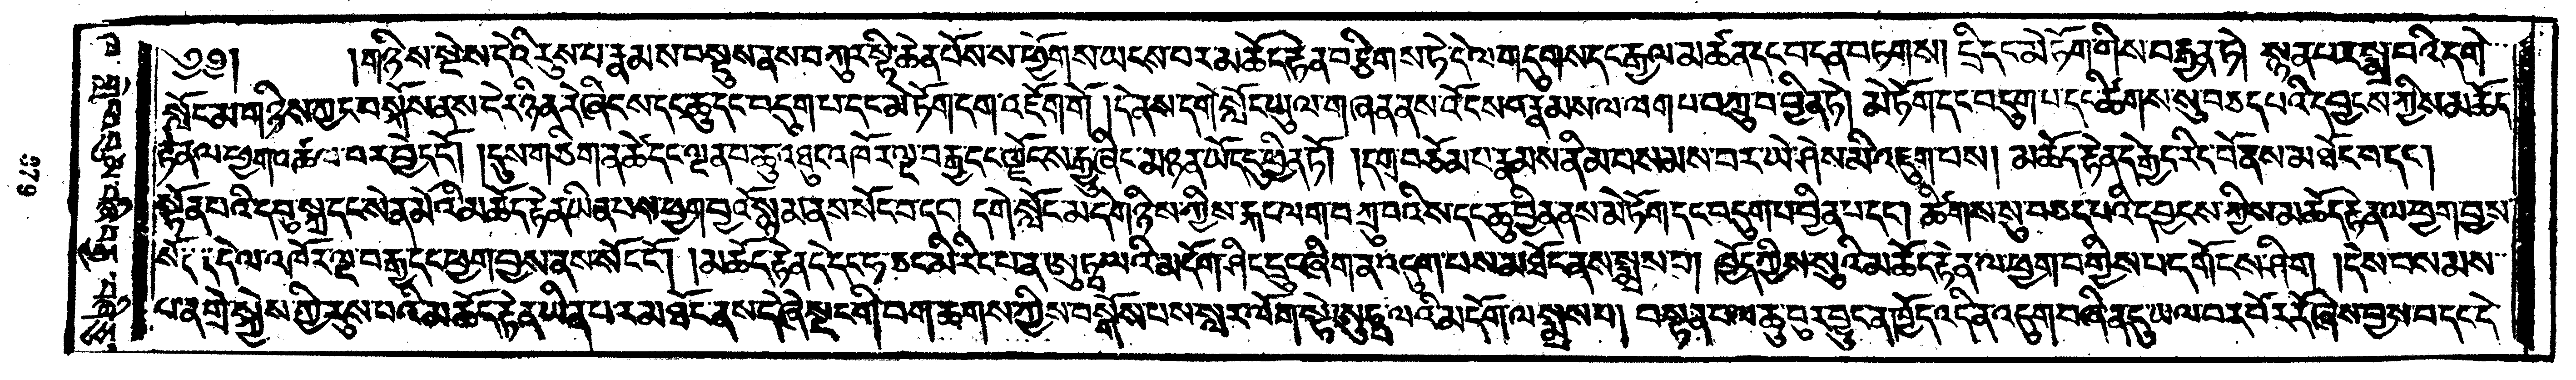༄༅། །གཉིས་སྔེས་དེའི་རུས་པ་རྣམས་བསྡུས་ནས་བཀུར་སྟི་ཆེན་པོས་ས་ཕྱོགས་ཡངས་པར་མཆོད་རྟེན་བརྩིགས་ཏེ་དེ་ལ་གདུགས་དང་རྒྱལ་མཚན་དང་བ་དན་བཏགས། དྲི་དང་མེ་ཏོག་གིས་བརྒྱན་ཏེ། སྙན་པར་སྨྲ་བའི་དགེ་
སློང་མ་གཉིས་ཀྱང་བསྐོས་ནས་དེར་ཉིན་རེ་ཞིངས་དང་ཆུ་དང་བདུག་པ་དང་མེ་ཏོག་དག་འཇོག་གོ །དེ་ནས་དགེ་སློང་ཡུལ་གཞན་ནས་འོངས་བ་རྣམས་ལ་ལག་པ་བཀྲུ་བ་བྱིན་ཏེ། མེ་ཏོག་དང་བདུག་པ་དང་ཚིགས་སུ་བཅད་པའི་དབྱངས་ཀྱིས་མཆོད་
རྟེན་ལ་ཕྱག་འཚལ་བར་བྱེད་དོ། །དུས་གཅིག་ན་ཚེ་དང་ལྔན་པ་ཆུ་འཐུང་འཁོར་ལྔ་བརྒྱ་དང་ལྗོངས་རྒྱུ་ཞིང་མཉན་ཡོད་དུ་ཕྱིན་ཏོ། །དགྲ་བཅོམ་པ་རྣམས་ནིམ་བསམས་བར་ཡེ་ཤེས་མི་འཇུག་པས། མཆོད་རྟེན་དེ་རྒྱད་རིང་པོ་ནས་མཐོང་བ་དང་།
སྟོན་པའི་དབུ་སྐྲ་དང་སེན་མོའི་མཆོད་རྟེན་ཡིན་པས་ཕྱག་བྱའོ་སྙམ་ནས་སོང་བ་དང་། དགེ་སློང་མ་དགེ་ཉིས་ཀྱིས་རྐང་ལག་བཀྲུ་བའི་ས་དང་ཆུ་བྱིན་ནས་མེ་ཏོག་དང་བདུག་པ་བྱིན་པ་དང་། ཚིགས་སུ་བཅད་པའི་དབྱངས་ཀྱིས་མཆོད་རྟེན་ལ་ཕྱག་བྱས་
སོ༑ ༑དེ་ལ་འཁོར་ལྔ་བརྒྱ་དང་ཕྱག་བྱས་ནས་སོང་ངོ། །མཆོད་རྟེན་དེ་དང་ཧ་ཅང་མི་རིང་པ་ན་ཨུཏྤ་ལའི་མདོག་ཤིང་དྲུང་ཞིག་ན་འདུག་པས་མཐོང་ནས་སྨྲས་པ། ཁྱོད་ཀྱིས་སུའི་མཆོད་རྟེན་ལ་ཕྱག་བགྱིས་པ་དགོངས་ཤིག །དེས་བསམས་
པ་ན་གྲེ་སྐྱེས་ཀྱི་རུས་པའི་མཆོད་རྟེན་ཡིན་པར་མཐོང་ནས་དེ་ཞེ་སྡང་གི་བག་ཆགས་ཀྱིས་བསྒོས་པས་སླར་ལོག་སྟེ་ཨུཏྤ་ལའི་མདོག་ལ་སྨྲས་པ། བསྟན་པ་ལ་ཆུ་བུར་བྱུང་ན་ཁྱོད་འདི་ན་འདུག་བཞིན་དུ་ཡལ་བར་བོར་རོ་ཞེས་བྱས་བ་དང་དེ་